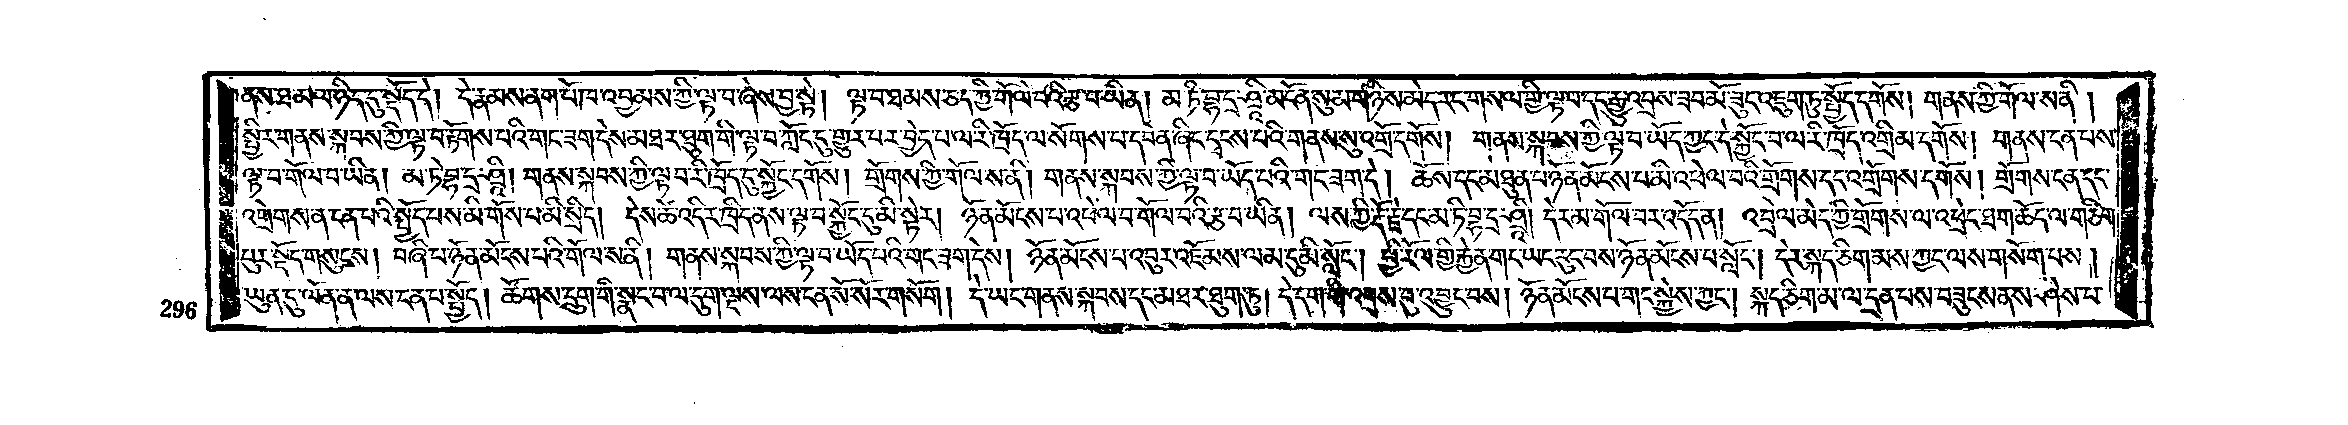ནས་ཐ་མལ་ཉིད་དུ་སྡོད་དེ། དེ་རྣམས་ནག་པོ་ཁ་འབྱམས་ཀྱི་ལྟ་བ་ཞེས་བྱ་སྟེ། ལྟ་བ་ཐམས་ཅད་ཀྱི་གོལ་བའི་རྩ་བ་ཡིན། མ་ཏི་བྷ་དྲ་ཤྲཱི་མངོན་སུམ་གཉིས་མེད་རང་གསལ་གྱི་ལྟ་བ་དང་རྒྱུ་འབྲས་ཟབ་མོ་ཟུང་འཇུག་ཏུ་སྤྱོད་དགོས། གནས་ཀྱི་གོལ་ས་ནི།
སྤྱིར་གནས་སྐབས་ཀྱི་ལྟ་བ་རྟོགས་པའི་གང་ཟག་དེས་མཐར་ཐུག་གི་ལྟ་བ་ཀློང་དུ་གྱུར་པར་བྱེད་པ་ལ་རི་ཁྲོད་ལ་སོགས་པ་དབེན་ཞིང་དྭངས་པའི་གནས་སུ་འགྲོ་དགོས། གནས་སྐབས་ཀྱི་ལྟ་བ་ཡོད་ཀྱང་དེ་སྐྱོང་བ་ལ་རི་ཁྲོད་འགྲིམ་དགོས། གནས་ངན་པས་
ལྟ་བ་གོལ་བ་ཡིན། མ་ཏེ་བྷ་དྲ་ཤྲཱི། གནས་སྐབས་ཀྱི་ལྟ་བ་རི་ཁྲོད་དུ་སྐྱོང་དགོས། གྲོགས་ཀྱི་གོལ་ས་ནི། གནས་སྐབས་ཀྱི་ལྟ་བ་ཡོད་པའི་གང་ཟག་དེ། ཆོས་དང་མཐུན་པ་ཉོན་མོངས་པ་མི་འཕེལ་བའི་གྲོགས་དང་འགྲོགས་དགོས། གྲོགས་ངན་དང་
འགྲེགས་ན་ངན་པའི་སྤྱོད་པས་མི་གོས་པ་མི་སྲིད། དེས་ཚེ་འདིར་ཁྲིད་ནས་ལྟ་བ་སྐྱོང་དུ་མི་སྟེར། ཉོན་མོངས་པ་འཕེལ་བ་གོལ་བའི་རྩ་བ་ཡིན། ལས་ཀྱི་རྡོ་རྗེ་དང་མ་ཏི་བྷ་དྲ་ཤྲཱི། དེར་མ་གོལ་བར་འདོད་ན། འབྲེལ་མེད་ཀྱི་གྲོགས་ལ་འཕྲེང་ཐག་ཆོད་ལ་གཅིག་
པུར་སྡོད་གསུངས། བཞི་པ་ཉོན་མོངས་པའི་གོལ་ས་ནི། གནས་སྐབས་ཀྱི་ལྟ་བ་ཡོད་པའི་གང་ཟག་དེས། ཉོན་མོངས་པ་འབུར་འཇོམས་ལམ་དུ་མི་སློང་། ཕྱི་རོལ་གྱི་རྐྱེན་གང་ཡང་རུང་བས་ཉོན་མོངས་པ་སློང་། དེར་སྐད་ཅིག་མས་ཀྱང་ལས་གསོག་པས།
ཡུན་དུ་ལོན་ན་ལས་ངན་པ་སྤྱོད། ཚོགས་དྲུག་གི་སྣང་བ་ལ་དུག་ལྔས་ལས་ངན་སོ་སོར་གསོག། དེ་ཡང་གནས་སྐབས་དང་མཐར་ཐུག་ཏུ། དེ་དག་གི་འབྲས་བུ་འབྱུང་བས། ཉོན་མོངས་པ་གང་སྐྱེས་ཀྱང་། སྐད་ཅིག་མ་ལ་དྲན་པས་བཟུངས་ནས་ཤེས་པ་